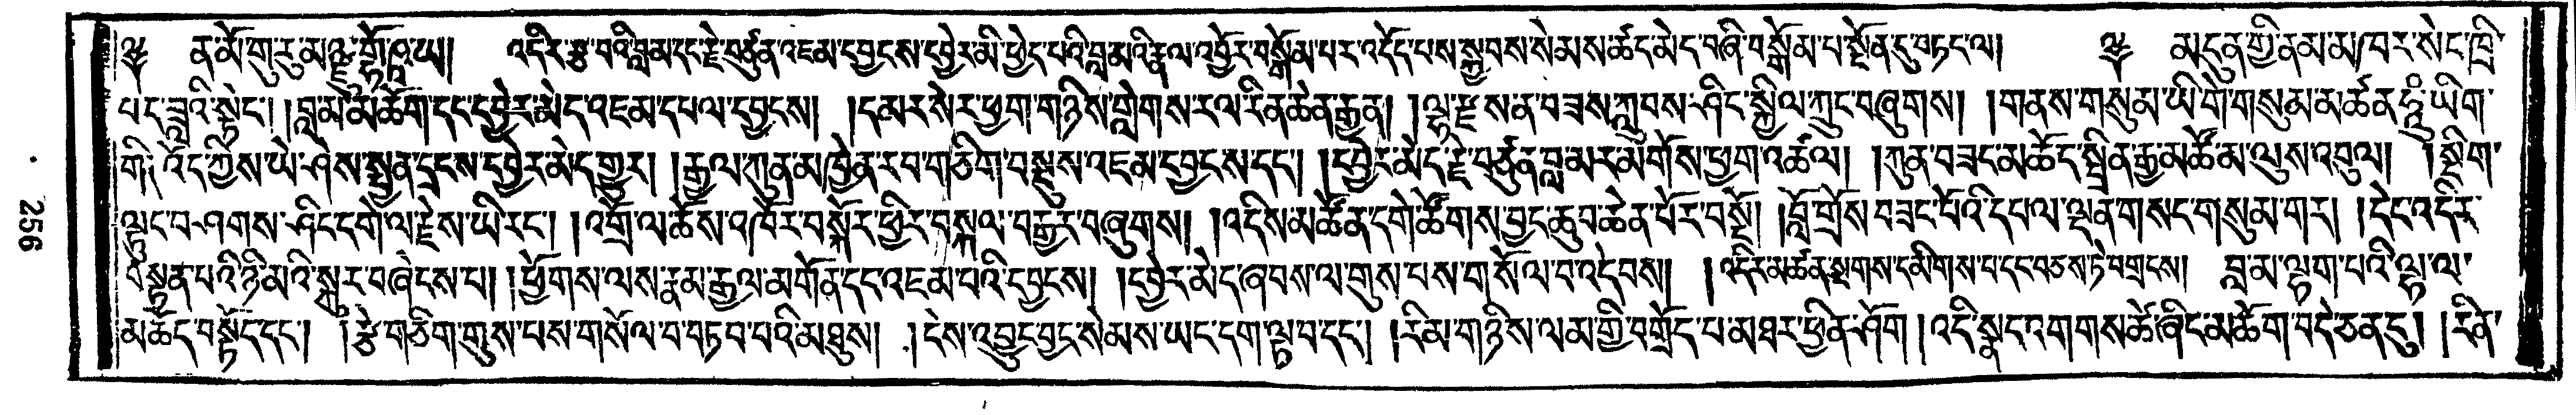༈ ན་མོ་གུ་རུ་མཉྫུ་གྷོ་ཥཱ་ཡ། འདིར་རྩ་བའི་བླ་མ་དང་རྗེ་བཙུན་འཇམ་དབྱངས་དབྱེར་མི་ཕྱེད་པའི་བླ་མའི་རྣལ་འབྱོར་བསྒོམ་པར་འདོད་པས་སྐྱབས་སེམས་ཚད་མེད་བཞི་བསྒོམ་པ་སྔོན་དུ་བཏང་ལ། ༈ མདུན་གྱི་ནམ་མཁར་སེང་ཁྲི་
པད་ཟླའི་སྟེང་། །བླ་མ་མཆོག་དང་དབྱེར་མེད་འཇམ་དཔལ་དབྱངས། །དམར་སེར་ཕྱག་གཉིས་གླེགས་རལ་རིན་ཆེན་རྒྱན། །ལྷ་རྫས་ན་བཟས་ཀླུབས་ཤིང་སྐྱིལ་ཀྲུང་བཞུགས། །གནས་གསུམ་ཡི་གེ་གསུམ་མཚན་ཧཱུཾ་ཡིག་
གི༑ འོད་ཀྱིས་ཡེ་ཤེས་སྤྱན་དྲངས་དབྱེར་མེད་གྱུར། །རྒྱལ་ཀུན་མཁྱེན་རབ་གཅིག་བསྡུས་འཇམ་དབྱངས་དང་། །དབྱེར་མེད་རྗེ་བཙུན་བླ་མར་མགོས་ཕྱག་འཚལ། །ཀུན་བཟང་མཆོད་སྤྲིན་རྒྱ་མཚོ་མ་ལུས་འབུལ། །སྡིག་
ལྟུང་བཤགས་ཤིང་དགེ་ལ་རྗེས་ཡི་རང་། །འགྲོ་ལ་ཆོས་འཁོར་བསྐོར་ཕྱིར་བསྐལ་བརྒྱར་བཞུགས། །འདིས་མཚོན་དགེ་ཚོགས་བྱང་ཆུབ་ཆེན་པོར་བསྔོ། །བློ་གྲོས་བཟང་པོའི་དཔལ་ལྡན་གསང་གསུམ་གར། །དེང་འདིར་
བསྟན་པའི་ཉི་མའི་སྐུར་བཞེངས་པ། །ཕྱོགས་ལས་རྣམ་རྒྱལ་མགོན་དང་འཇམ་པའི་དབྱངས། །དབྱེར་མེད་ཞབས་ལ་གུས་པས་གསོལ་བ་འདེབས། །འདིར་མཚན་སྔགས་དམིགས་པ་དང་བཅས་ཏེ་བགྲངས། བླ་མ་ལྷག་པའི་ལྷ་ལ་
མཆོད་བསྟོད་དང་། །རྩེ་གཅིག་གུས་པས་གསོལ་བ་བཏབ་པའི་མཐུས། །ངེས་འབྱུང་བྱང་སེམས་ཡང་དག་ལྟ་བ་དང་། །རིམ་གཉིས་ལམ་གྱི་བགྲོད་པ་མཐར་ཕྱིན་ཤོག །འདི་སྣང་འགགས་ཚེ་ཞིང་མཆོག་བདེ་ཅན་དུ། །རིན་